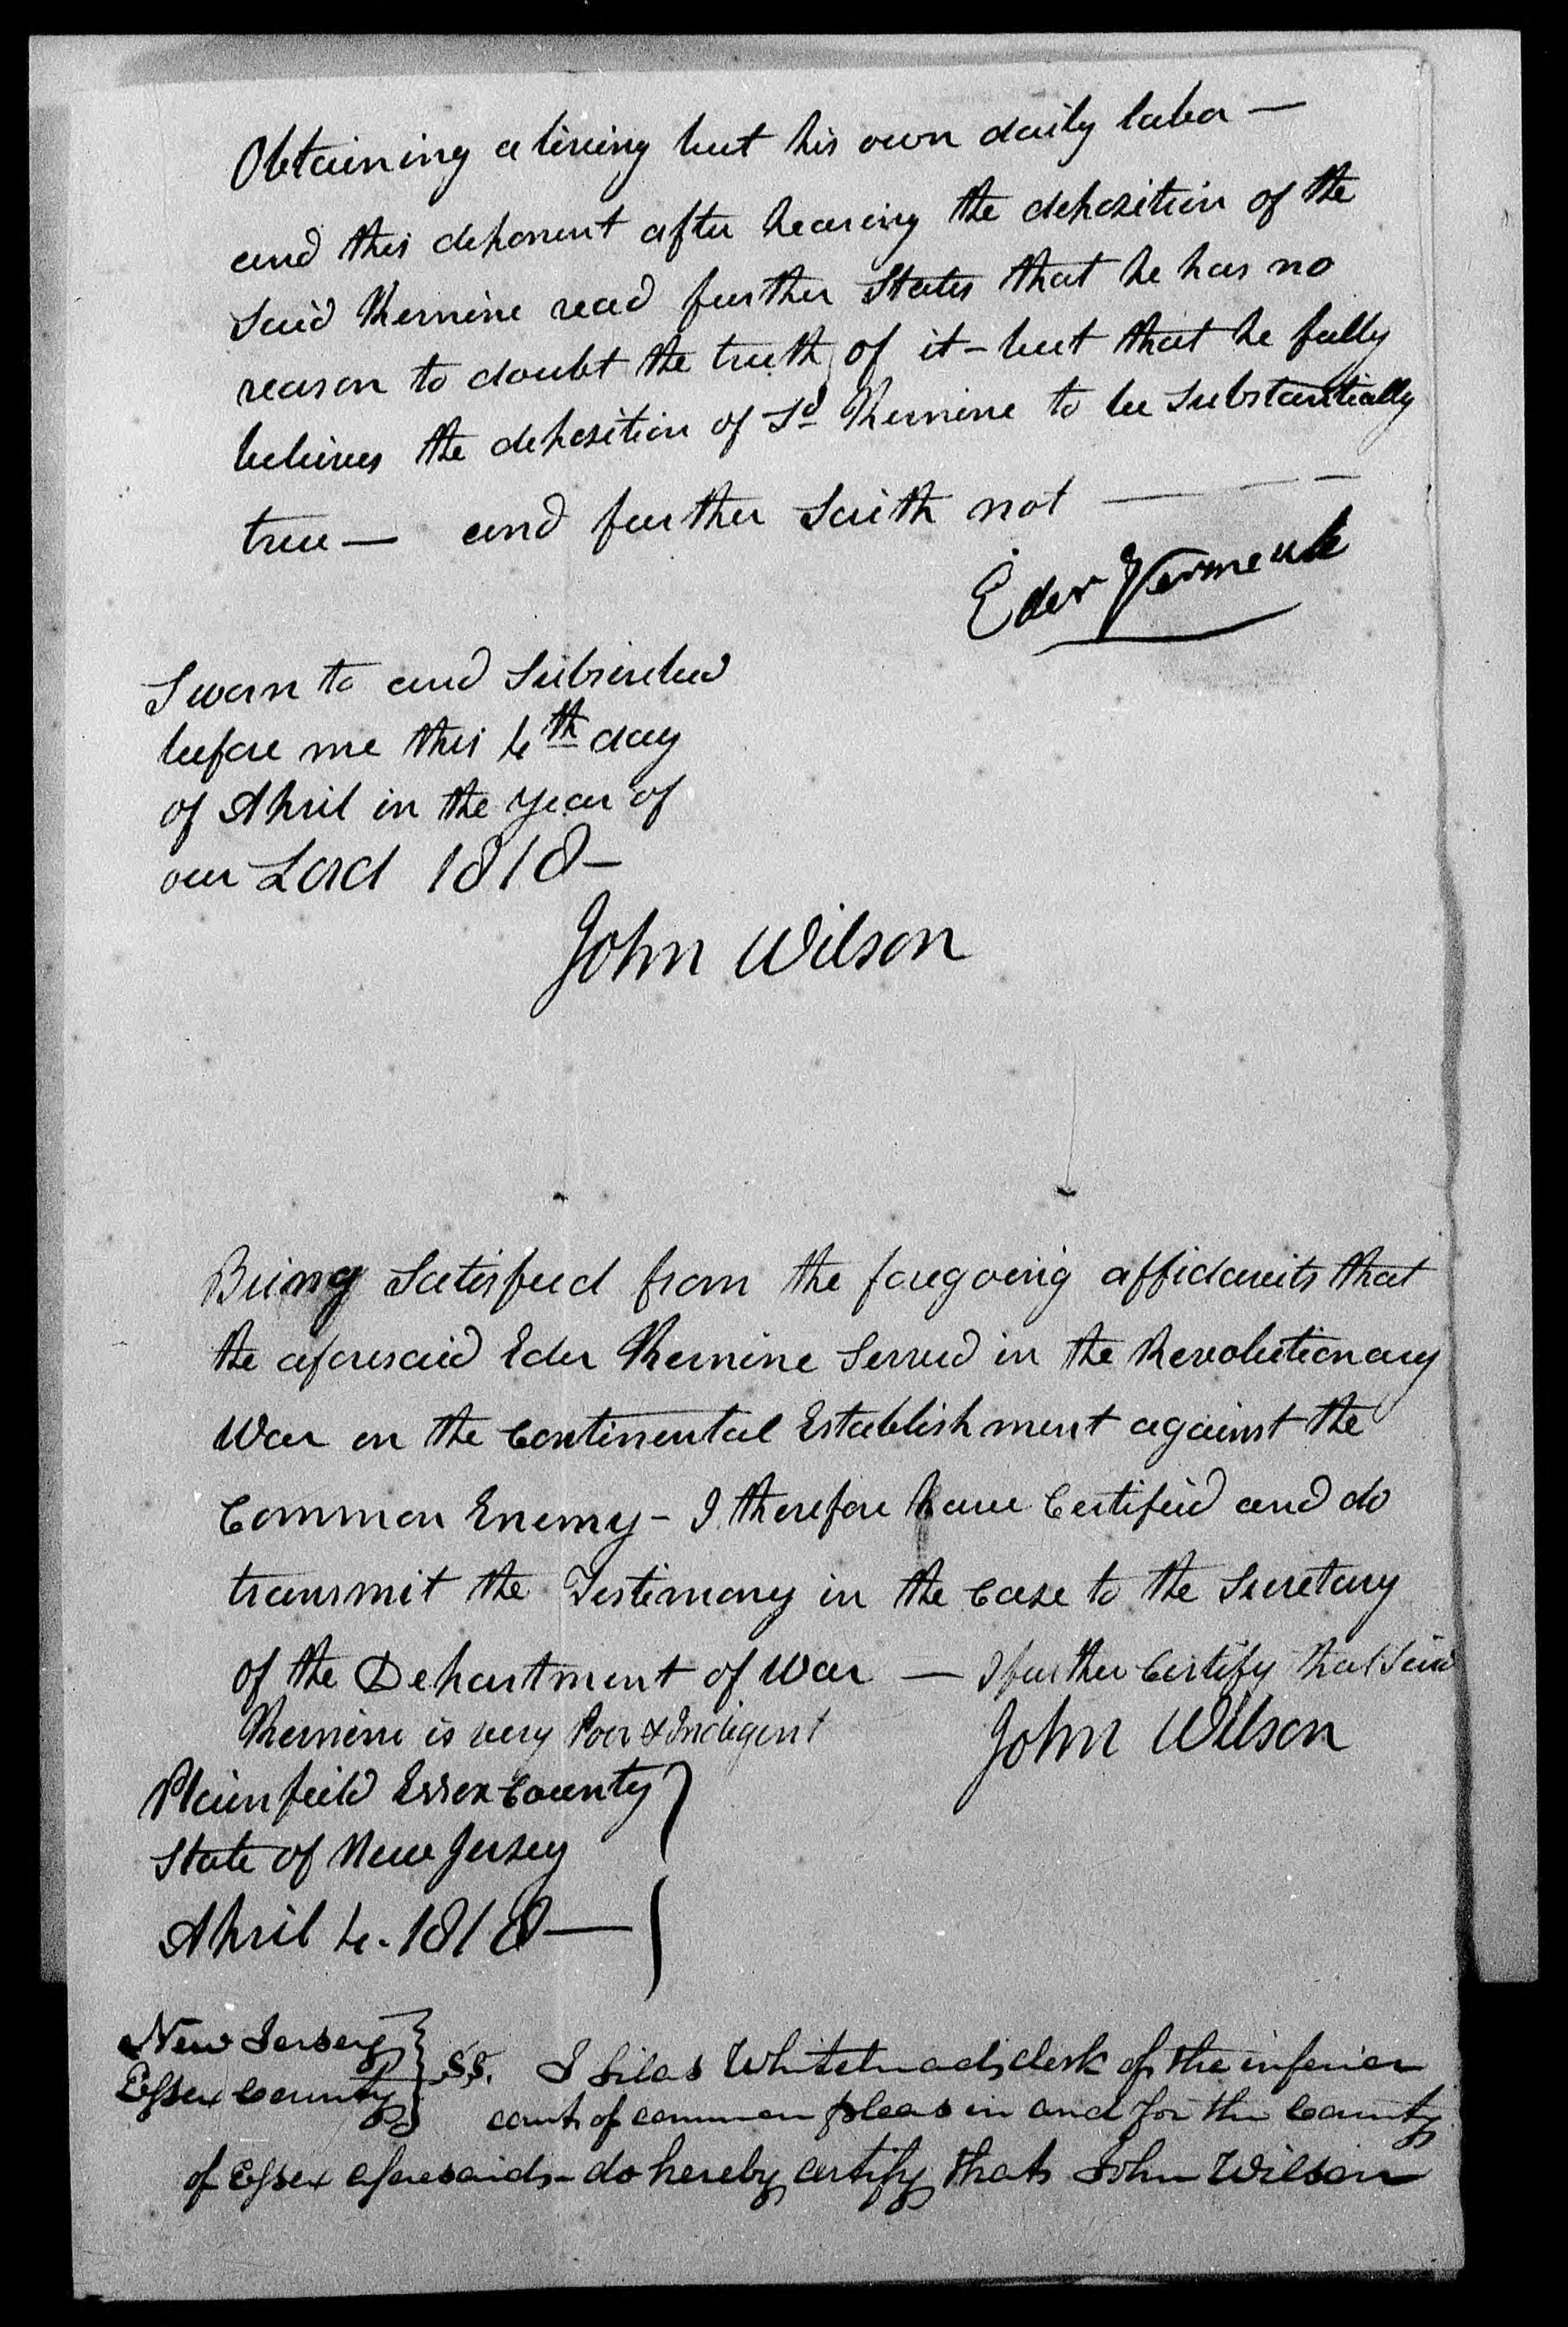obtaining a living but his own daily labor
and this deponent after hearing the deposition of the
said Kernine recd further states that he has no
reason to doubt the truth of it-- but that he fully
believes the deposition of sd Kernine to be substantially
true and
further saith not
Elder Vermink
Sworn to and subscribed
before me this 6th day
of April in the year of
our Lord 1818-
R
S.
New
Ess
John Wilson
Being satisfied from the foregoing affidavits that the
aforesaid Eder Kernine served in the Revolutionary War
in the Continental Establishment against the
Common Enemy - I therefore have certified and do
transmit the Testimony in the case to the Secretary
of the Department of War
---
Kerine is very poor & Indigent
I further certify that said
infield Essex County
State of New Jersey
John Wilson
April 1818-
-
6
Silas Whitehead Clerk of the inferior
court of Common pleas in and for the County
of Essex aforesaid do hereby certify that John Wilson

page: 9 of 15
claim: survivor's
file: S. 33351, for Eder Kernine, New Jersey